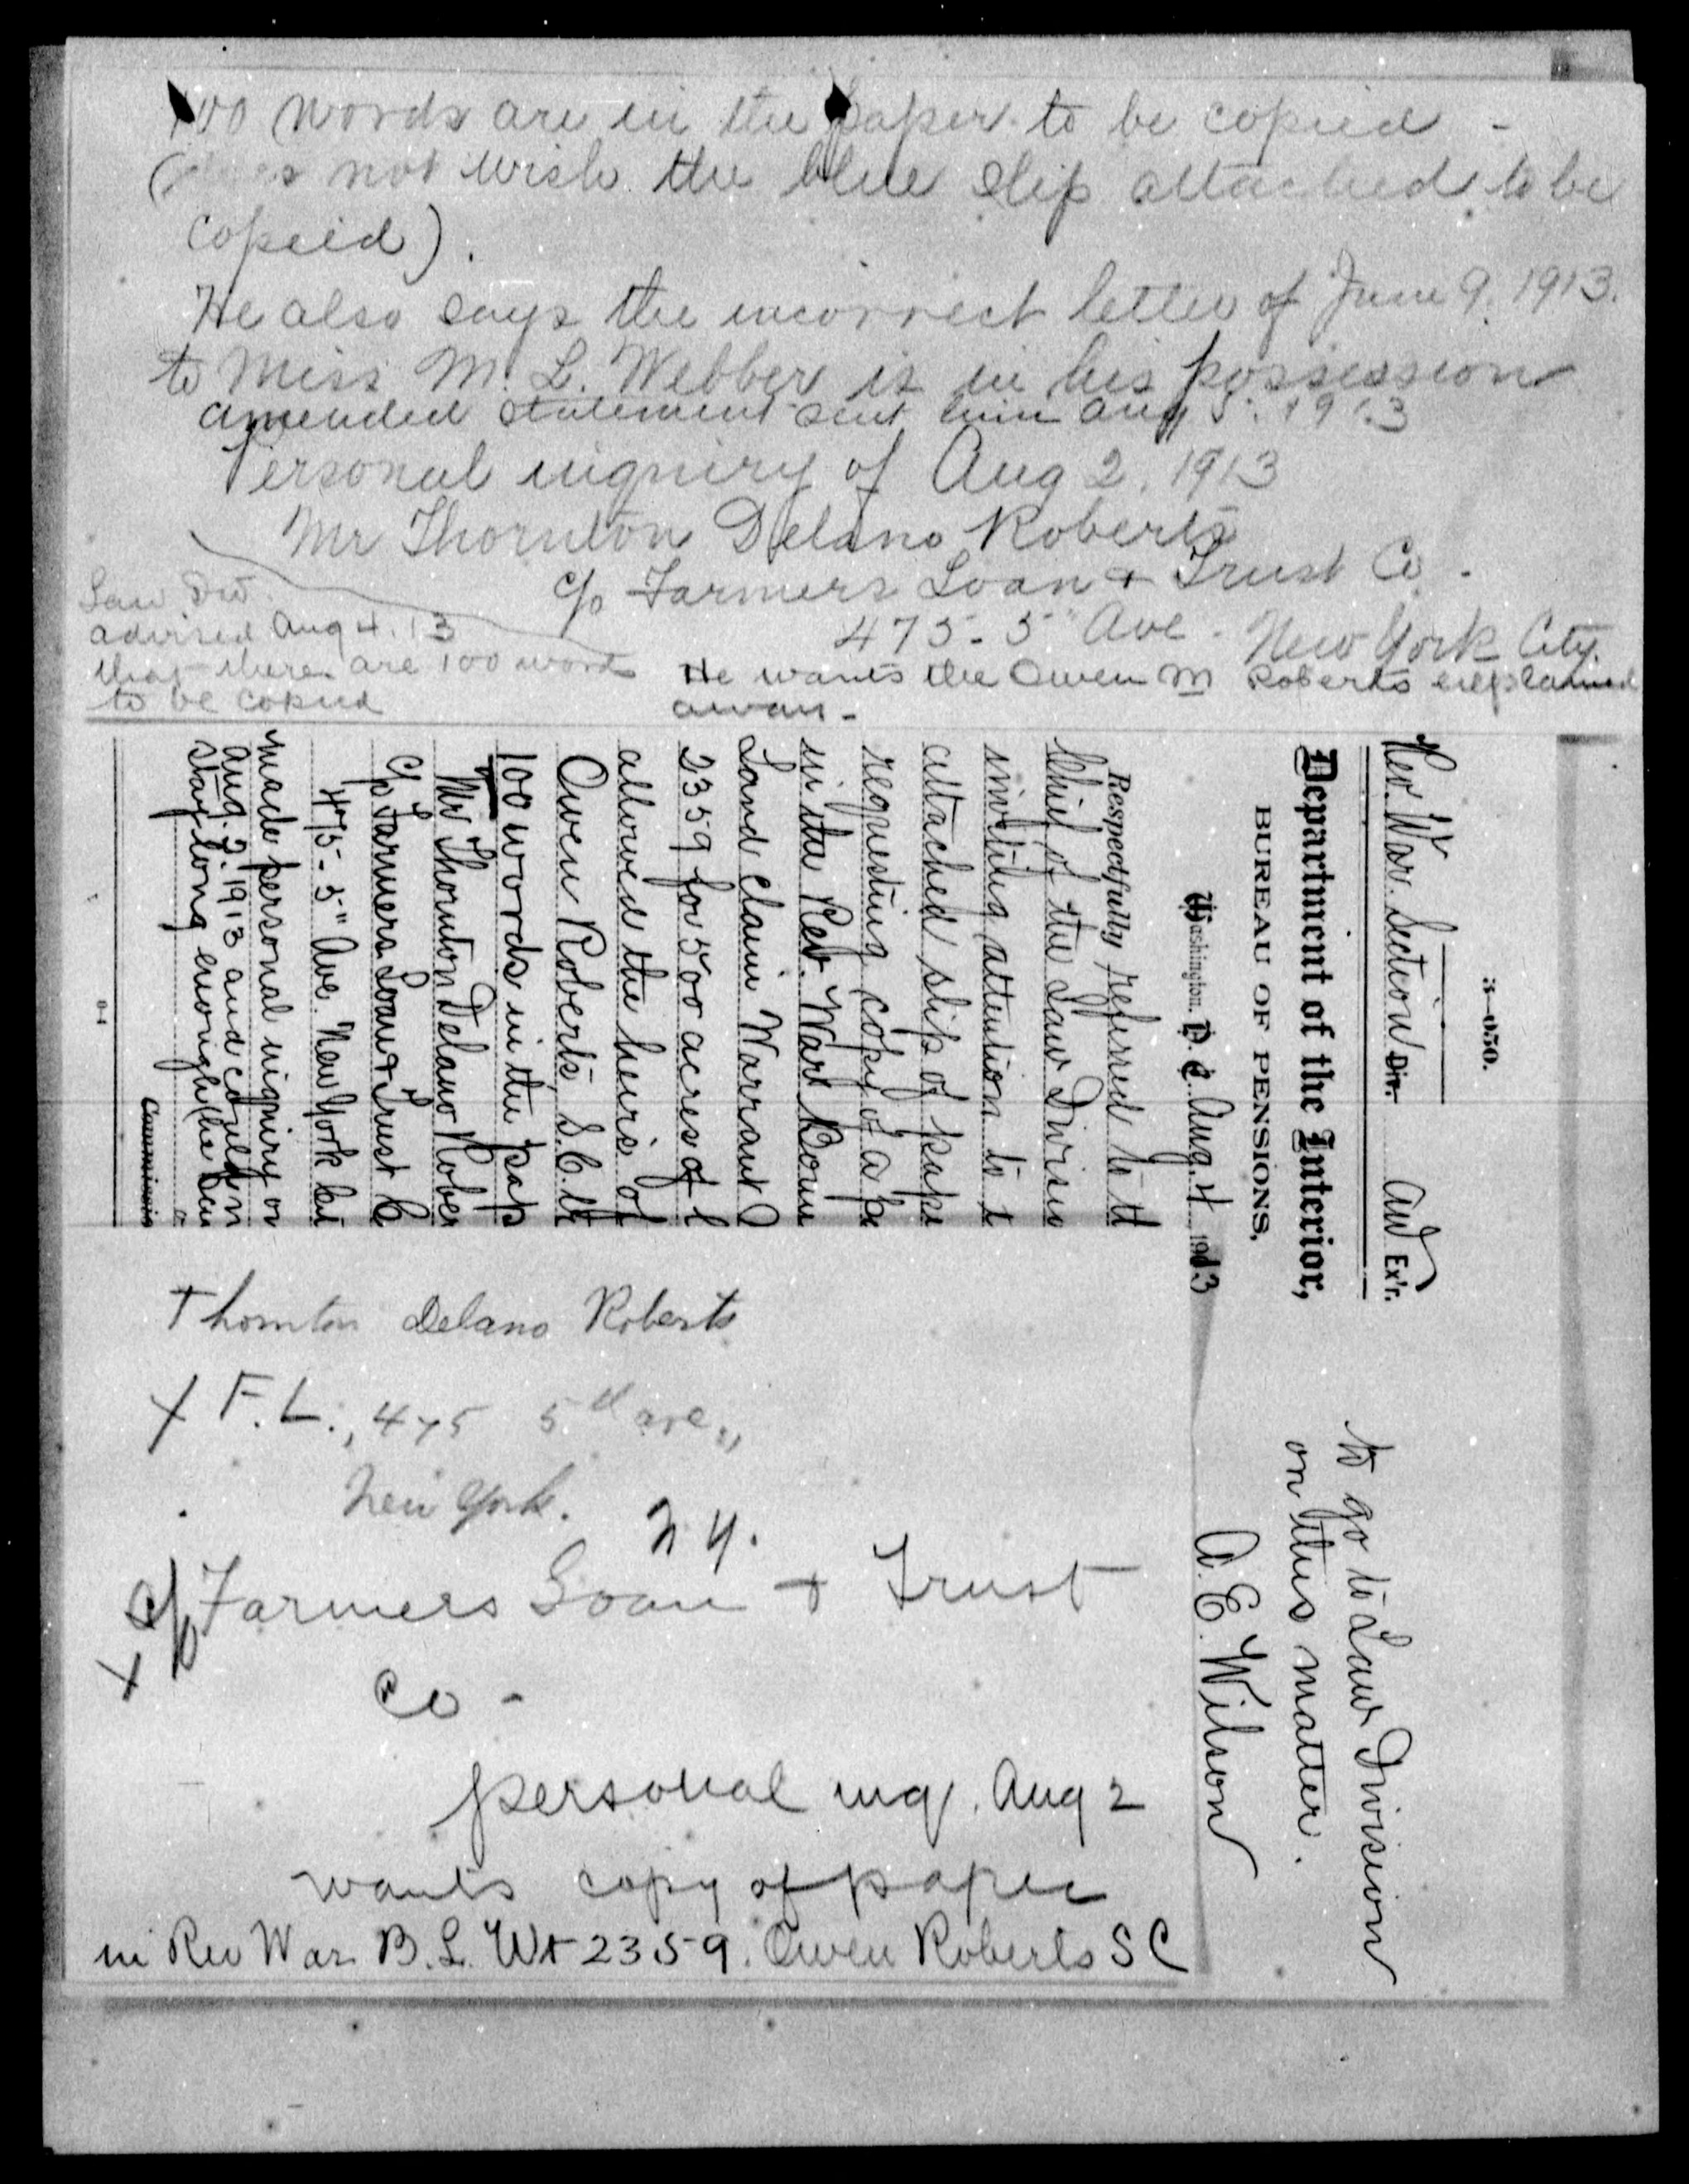[first section]
100 words are in the paper to be copied
(does not wish the blue slip attached to be 
copied).
He also says the incorrect letter of June 9,1913
to Miss M. L. Webber is in his possession
amended statement sent him Aug. 5, 1913
Personal inquiry of Aug 2, 1913
Mr Thornton Delano Roberts
c/o Farmers Loan & Trust Co.
475 5th Ave.  New York City
He wants the Owen M Roberts explained
away.
Law Div.
advised Aug 4. 13
that there are 100 words 
to be copied


[middle section is on page 52 so not typed here]


[lower section]

Thornton Delano Roberts
F. L. 475 5th Ave.
New York, N.Y.
c/o Farmers Loan & Trust Co.
personal inq. Aug 2
wants copy of paper
in Rev. War B.L. Wt. 2359  Owen Roberts S.C.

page: 51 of 59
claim: bounty land warrant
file: B.L.Wt. 2359-500, for Owen Roberts, South Carolina